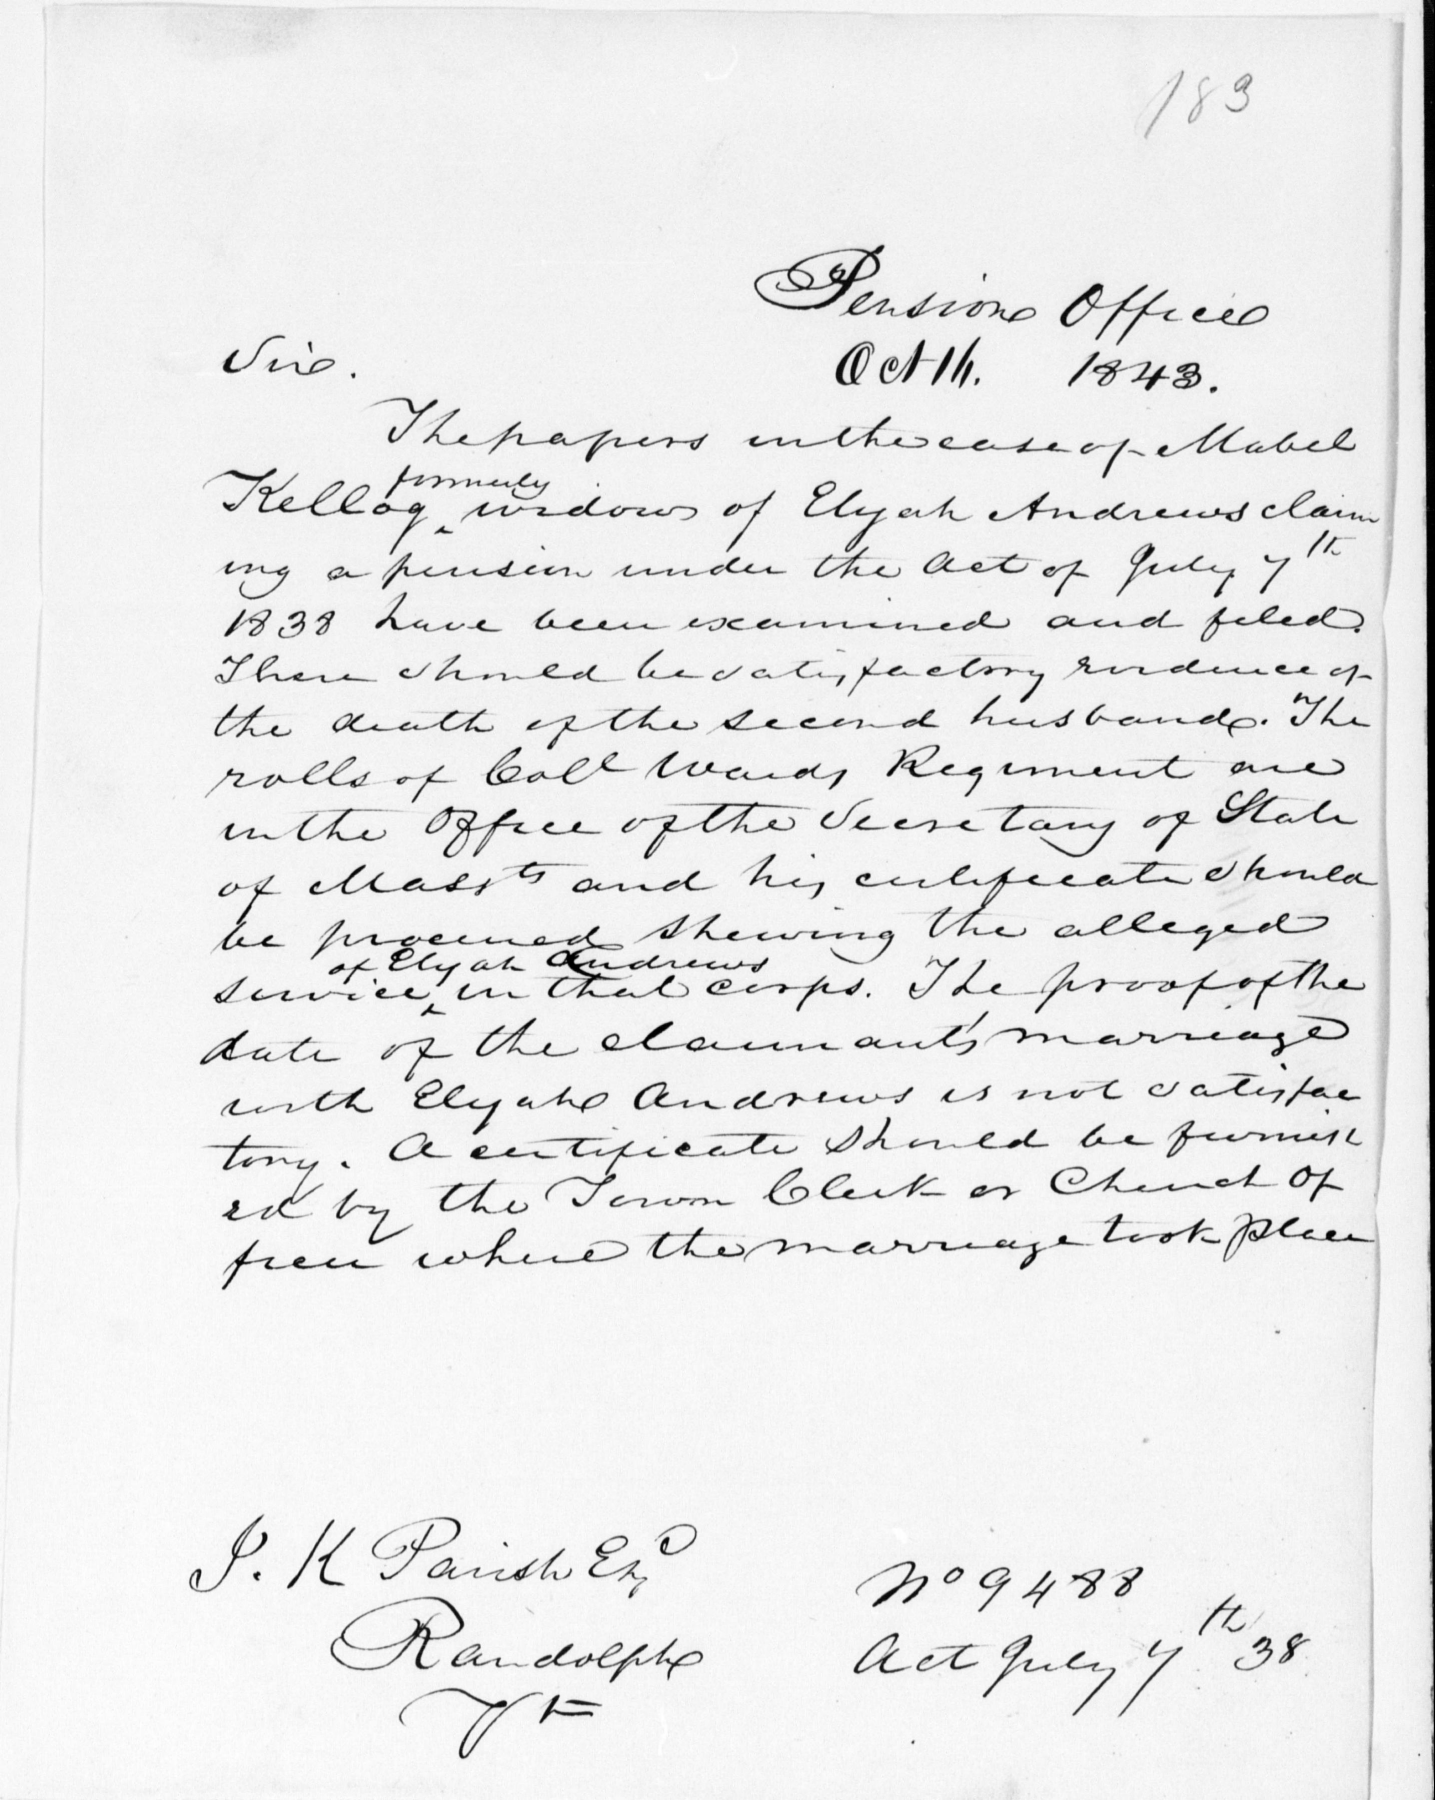Pension Office
Oct 16 1843.
Sir.
  The papers in the case of Mabel Kellog formerly widow of Elijah Andrews claiming a pension under the Act of July 7th 1838 have been examined and filed.  there should be satisfactory evidence of the death of the second husband.  The rolls of Col.l Wards Regiment are in the Office of the Secretary of State of Massts and his certificate should be procured showing the alleged service of Elijah Andrews in that corps.  The proof of the date of the claimant's marriage with Elijah Andrews is not satisfactory.  A certificate should be furnished by the Town Clerk of Church of place where the marriage took place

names: Mabel Kellog, Elijah Andrews, Elijah Andrews, J K Parish, Elijah Andrews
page: 17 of 19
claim: rejected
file: R. 5836, Elijah Andrews, Conn.